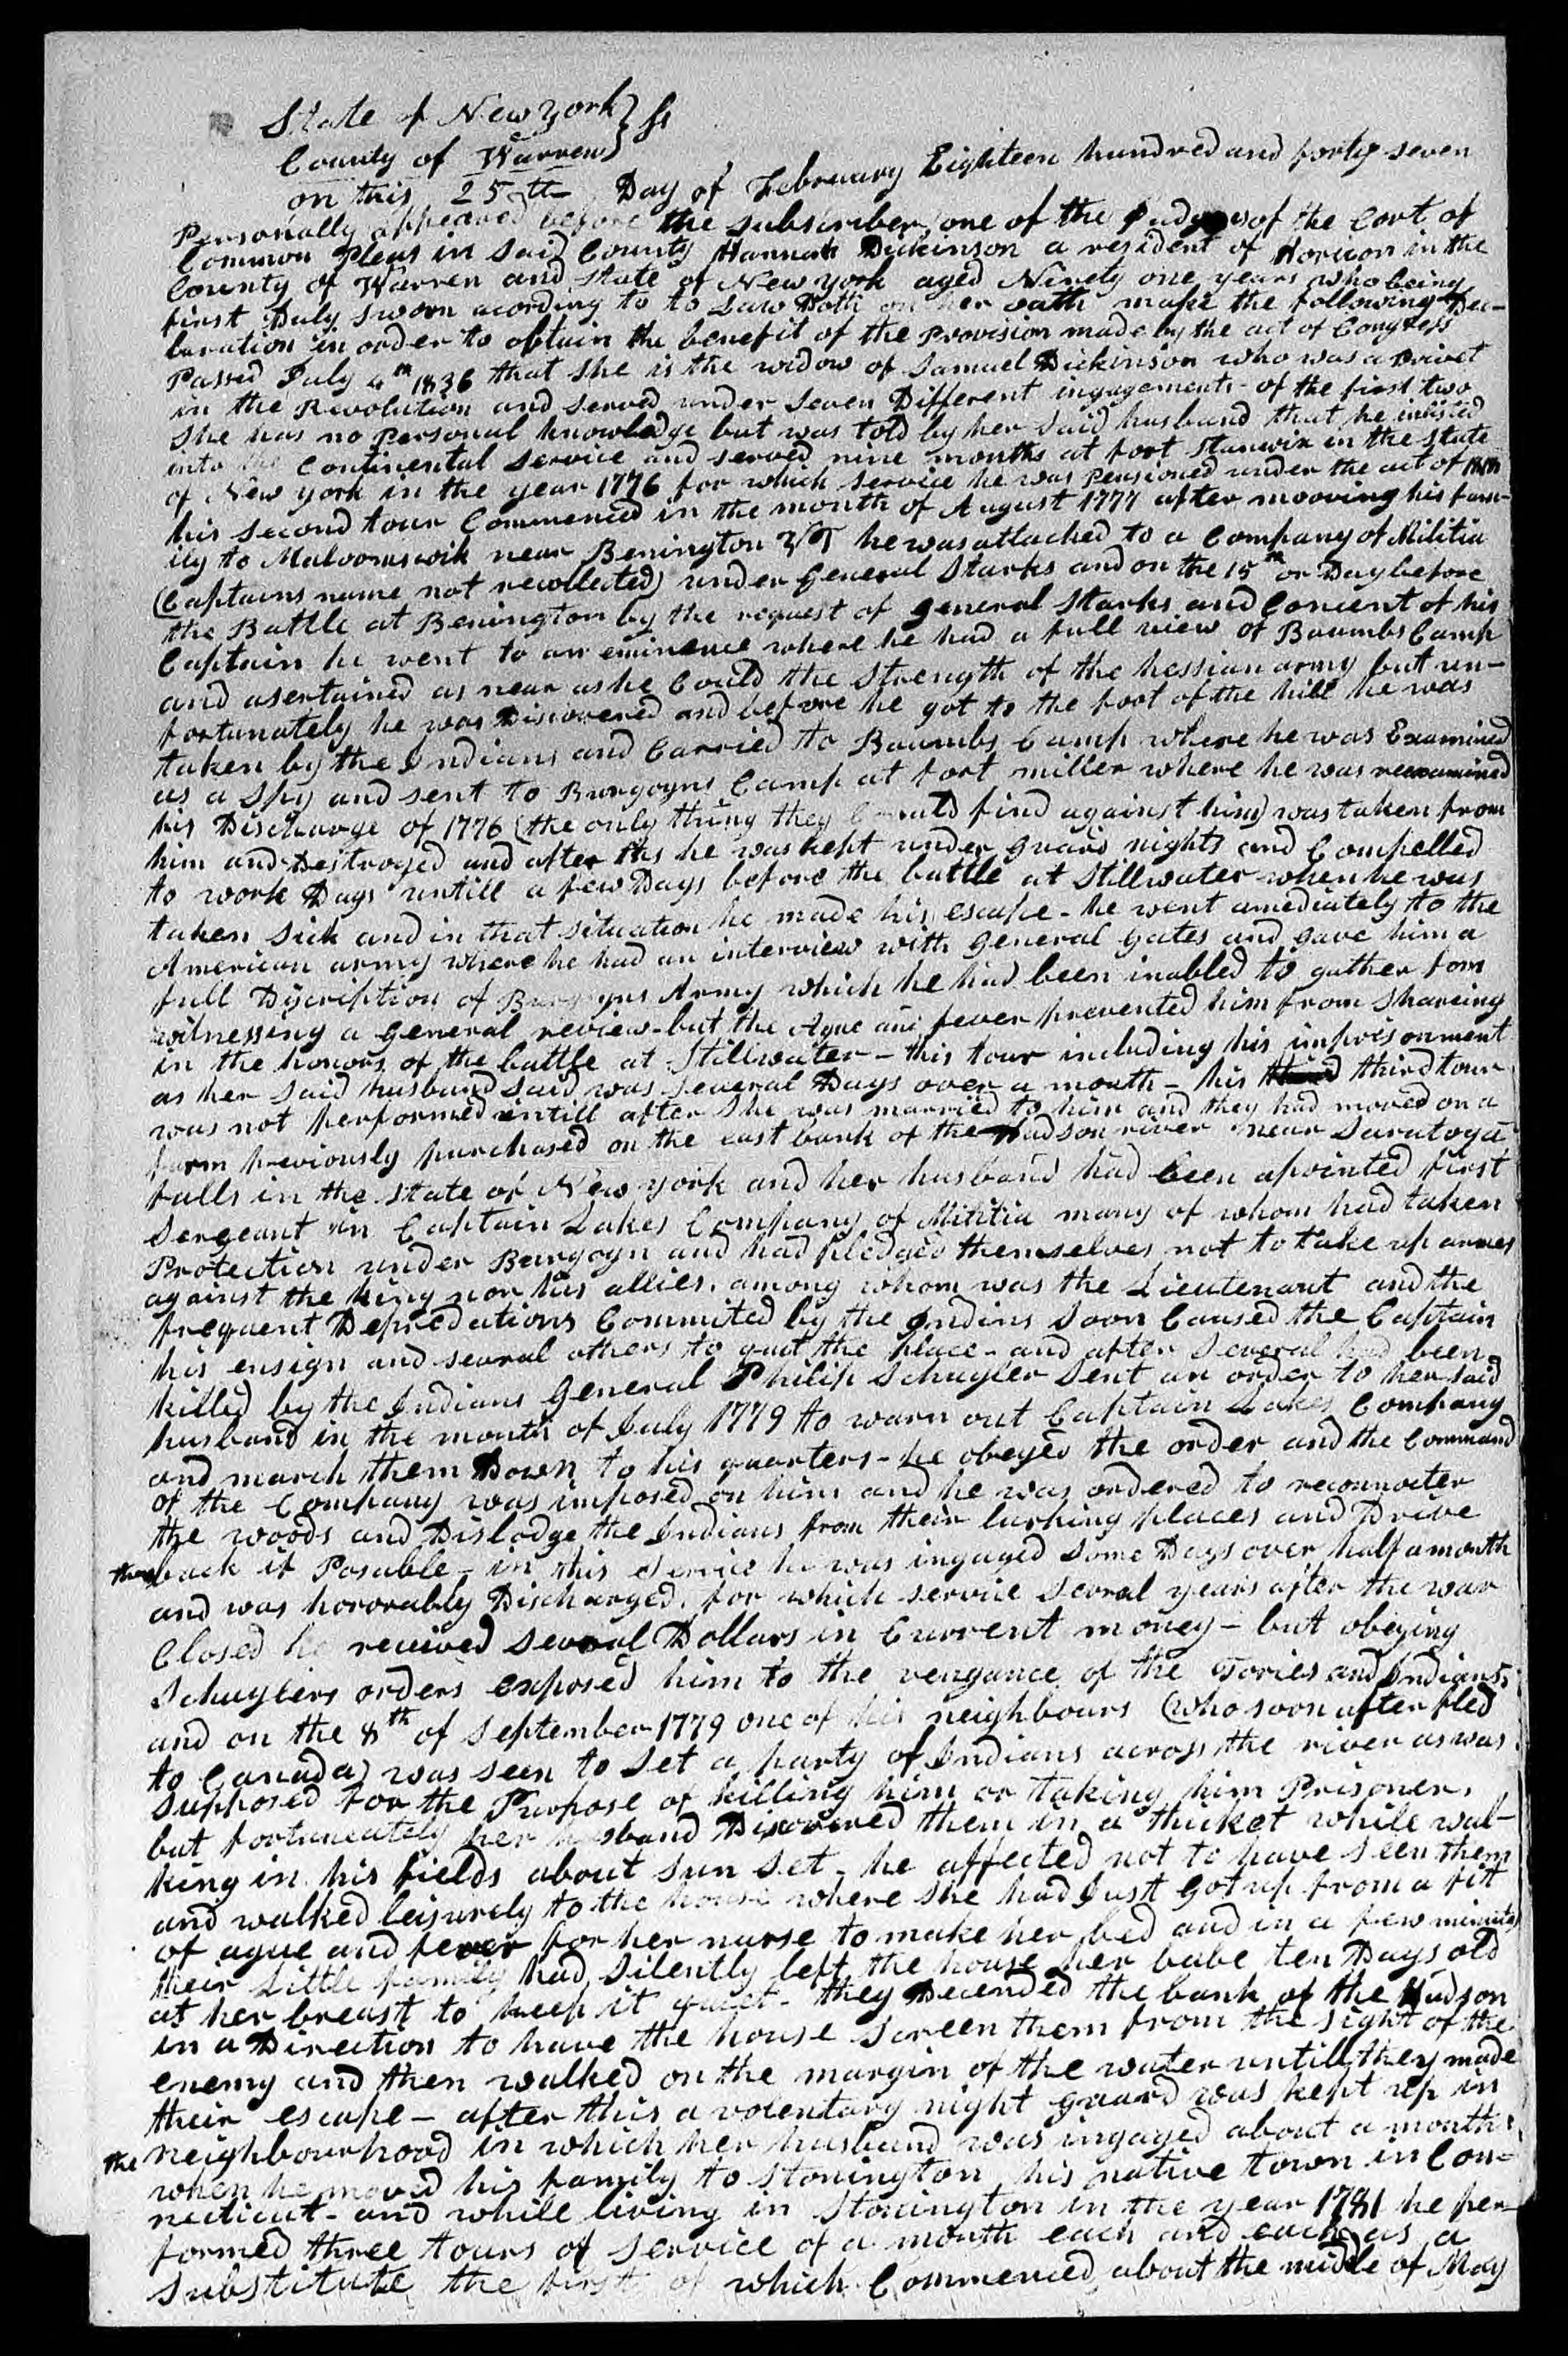State of New York
County of Warren

On this 25th Day of February Eighteen hundred and forty seven personally appeared before the subscriber one of the judges of the Court of Common Pleas in said County Hannah Dickinson a resident of Horicon in the County of Warren and State of New York aged 91 years who being first Duly Sworn according to law Doth on her oath make the following Declaration in order to obtain the benefit of the Provision made by the act of Congress passed July 4 1836 that she is the widow of Samuel Dickinson who was a Privet in the Revolution and served under seven different ingagements -of the first two she has no personal knowledge but was told by her said husband that he inlisted into the Continental Service and served nine months at Fort Stanwix in the State of New York the year 1776 for which service he was pensioned under the act of 1818  his 2nd tour commenced in the month of August 1777 after moving his family to Maloomsoik near Bennington VT. He was attached to a Company of Militia (Captains name not recalled) under General Starks and on the 15th or Day before the battle at Bennington by the request of General Starks and consent of his Captain) he went to an eminence where he had a full view of Baumbs Camp and ascertained as near as he could the strength of the hessian army but unfortunately he was discovered and before he got to the foot of the hill he was taken by the Indians and carried to Baumbs camp where he was Examined as a spy and sent to Burgoyne's camp where he was reexamined his discharge of 1776 (the only thing they could find against him) was taken and destroyed after this he was kept under guard nights and compelled to work days until a few days before the Battle of Stillwater when he was taken sick and in that situation made his escape he went immediately to the American army where he had an interview with General Gates and gave him a full description of Burgoynes army which he had been enabled to gather from witnessing a general review but the ague and fever prevented him from sharing in the honors of the battle at Stillwater This tour including his imprisonment as her said husband said was several days over a month. His third tour was not performed until after she was married to him and they had moved to a farm previously purchased on the east bank of the Hudson River near Saratoga falls in the State of New York and her husband had been appointed First Sergeant in Captain Lakes Company of Militia many of whom had taken protection under Burgoyne and had pledged themselves not to take up arms against the king nor his allies among whom was the Lieutenant  the frequent depredations committed by the Indians soon caused the Captain his ensign and several others to quit the place and after several had been killed by the Indians General Philip Schuyler sent an order to her said husband in the month of July 1779 to warn out Captain Lakes Company and march them down to his quarters. He obeyed the orders and command of the Company was imposed on him and he was ordered to reconnoiter the woods and dislodge the Indians from their haunts and drive them back if possible in this service he was ingaged some days over a month and was honorably discharged for which service several years after the war closed received several dollars in current money. But obeying Schuylerss exposed him to the vengeance of the Tories and Indians and on the 8th of September 1779 one of his neighbors  (who soon after fled to Canada ) was seen to set a party of Indians across the river as was supposed for the purpose of killing him or taking him prisoner but fortunately her husband disiscovered them in a thicket while walking in his fields about sunset he affected not to have seen them and walked leisurely to the house where she had just got up from a fit of ague and fever for her nurse to make her bed and in a few minutes their little family had silently left the house her babe ten days old at her breast to keep it quiet  they descended the bank of the Hudson in a direction to have the house screen them from the sight of the enemy and then walked on the margin of the water until they made their escape  after this a voluntary night guard was kept in the neighborhood in which her husband was ingaged about a month when he moved his family to Stonington (his native town) in Connecticut and while living in Stonington in the year 1781  he performed three tours of service of a month each and each as a substitute the first of which commenced about the middle of May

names: Gates, Burgoyne, Burgoyne, Hannah Dickinson, Starks, Samuel Dickinson, Burgoyne, Philip Schuyler, Starks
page: 11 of 60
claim: widow's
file: W 16,955, Samuel Dickinson, Conn.